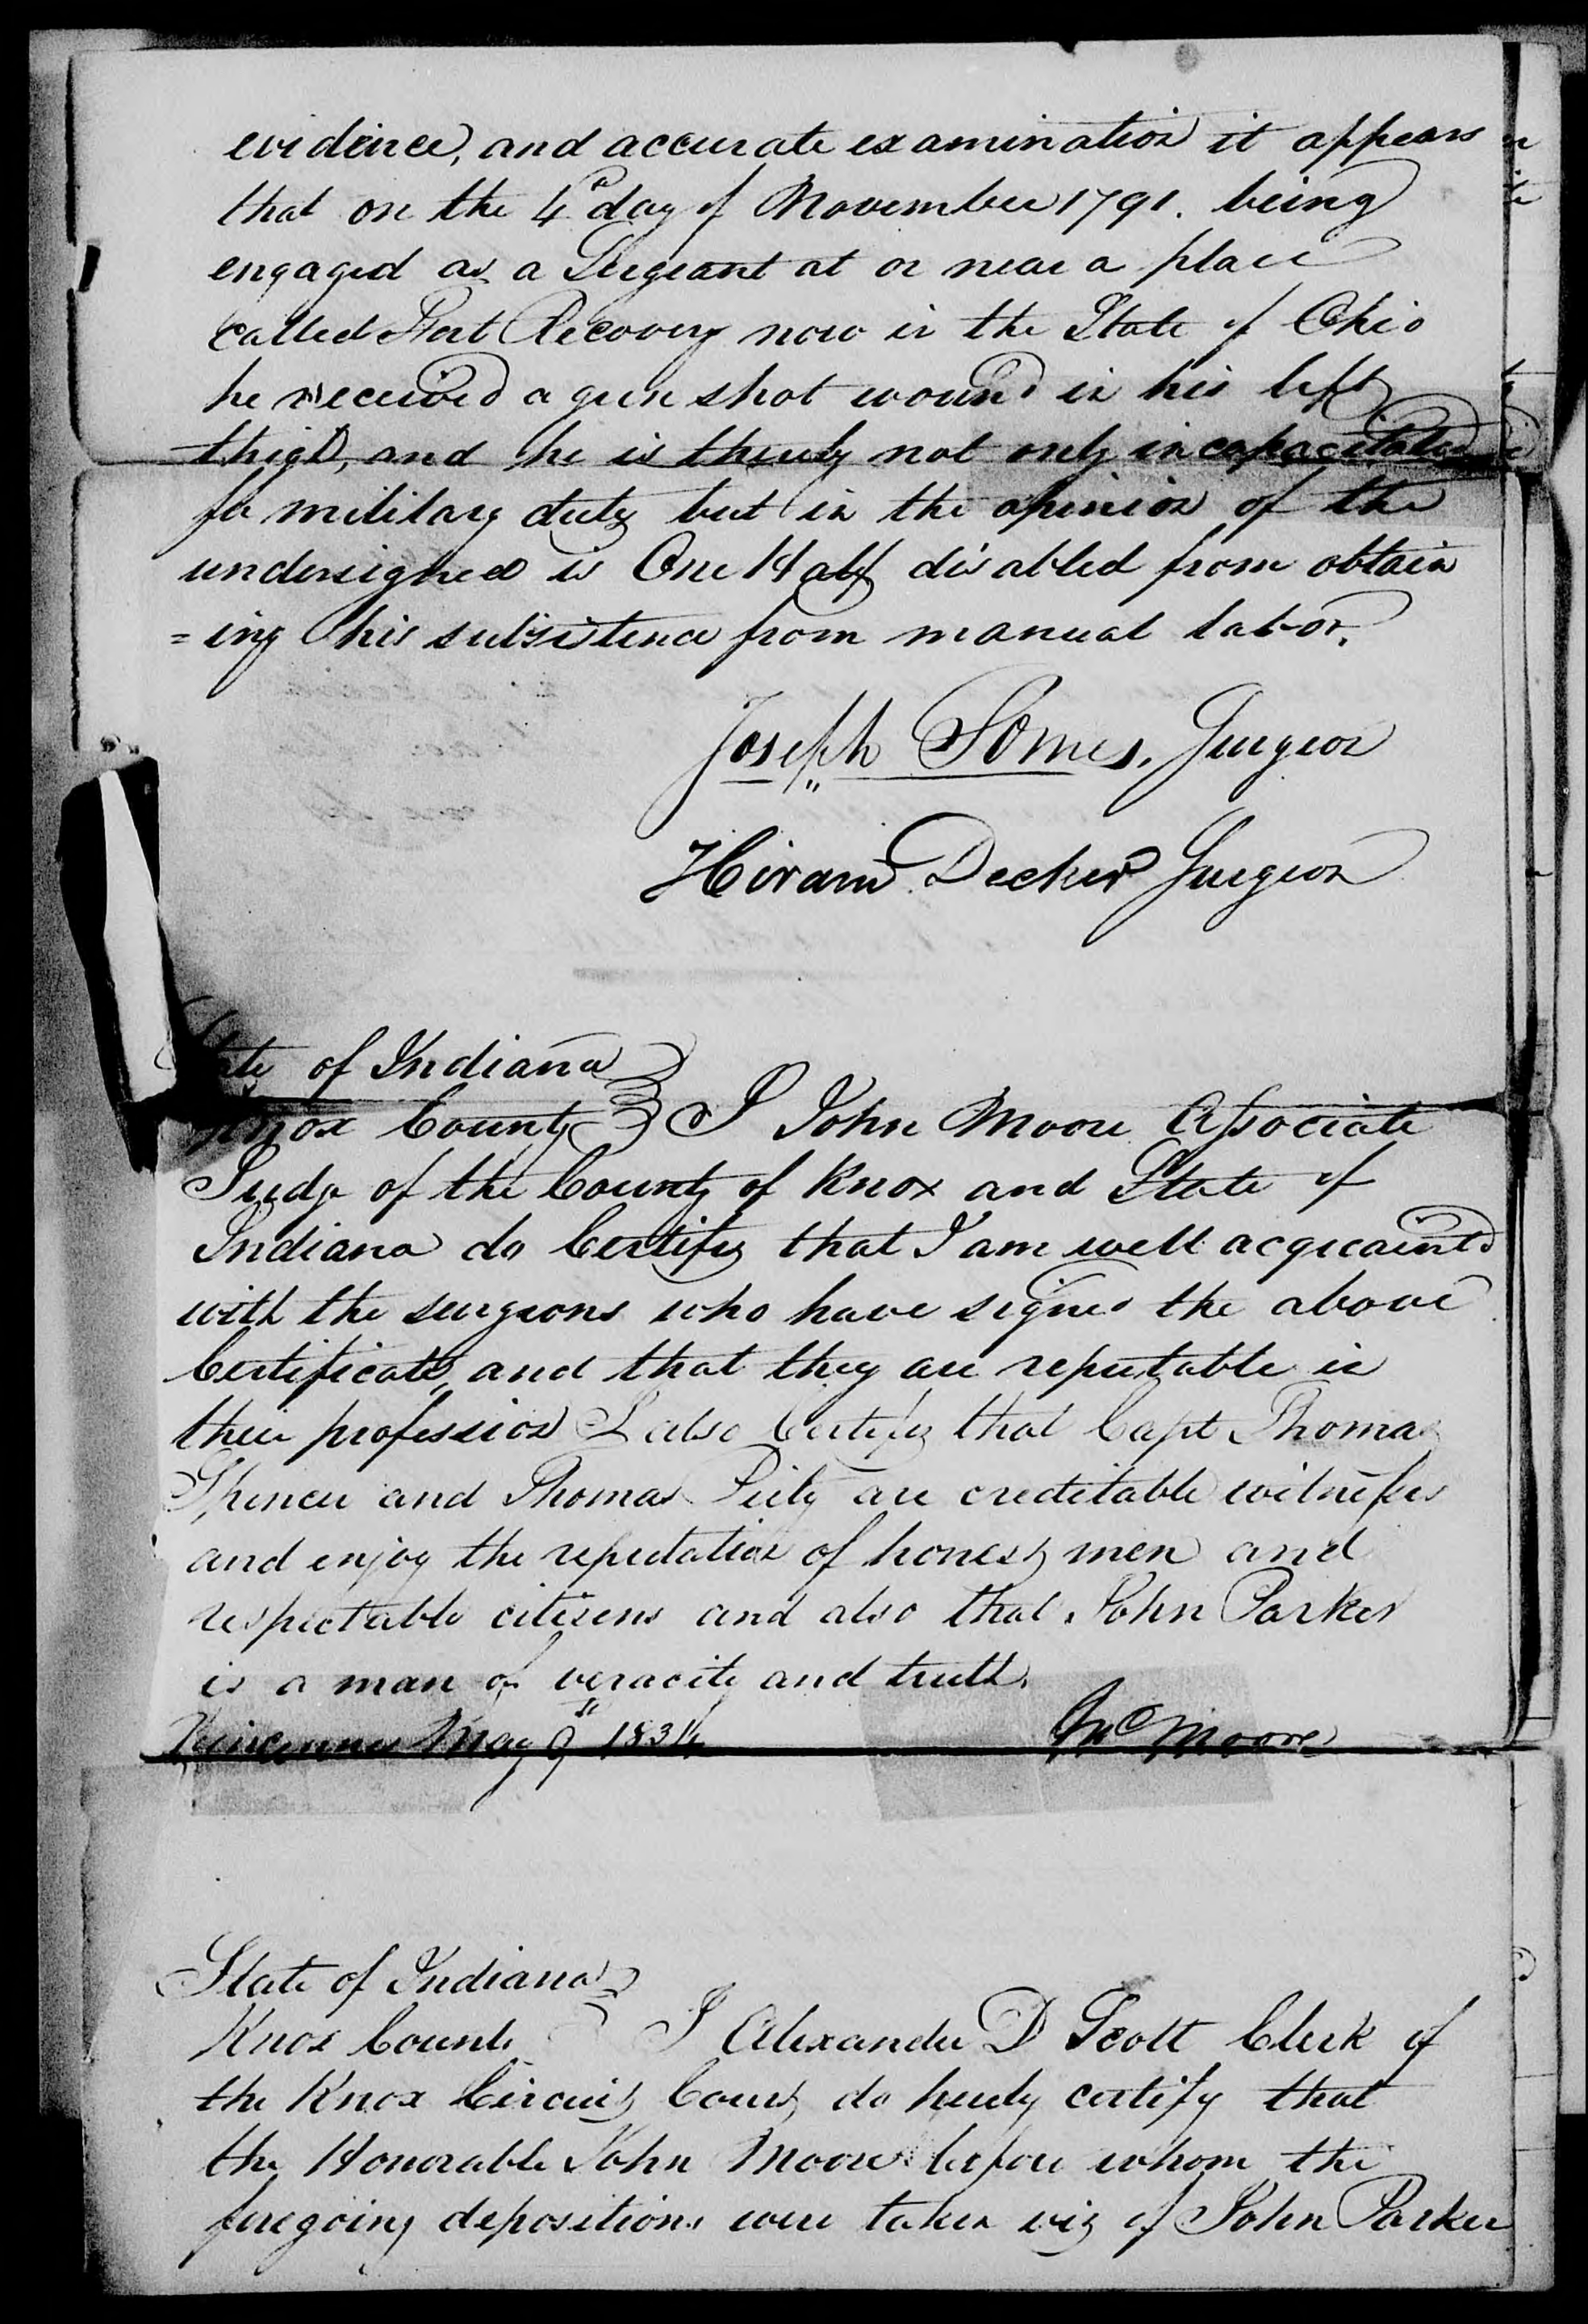evidence, and accurate examination it appears that on the 4th day of November 1791. being engaged as a Sergeant at or near a place called Port Recovery now in the State of Ohio he received a gun shot wound in his left thigh, and he is thereby not only incapacitated for military duty but in the opinion of the undersigned is One Half disabled from obtaining his subsistence from manual labor.

Joseph Somes Surgeon
Hiram Decker Surgeon

State of Indiana
Knox County

I John Moore Associate Judge of the County of Knox and State of Indiana do testify that I am well acquainted with the surgeons who have signed the above certificate and that they are reputable in their profession. I also testify that Capt Thomas Spencer and Thomas Piety are creditabe witnesses and enjoy the reputation of honest men and respectable citizens and also that John Parker is a man of veracity and truth.

Vincennes May 9th 1834
John Moore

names: Thomas Piety; Thomas Spencer; Hiram Decker; Alexander D Scott; John Moore; John Parker; Joseph Somes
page: 8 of 21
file: Old War Inv. File 26332, for John Parker, Other